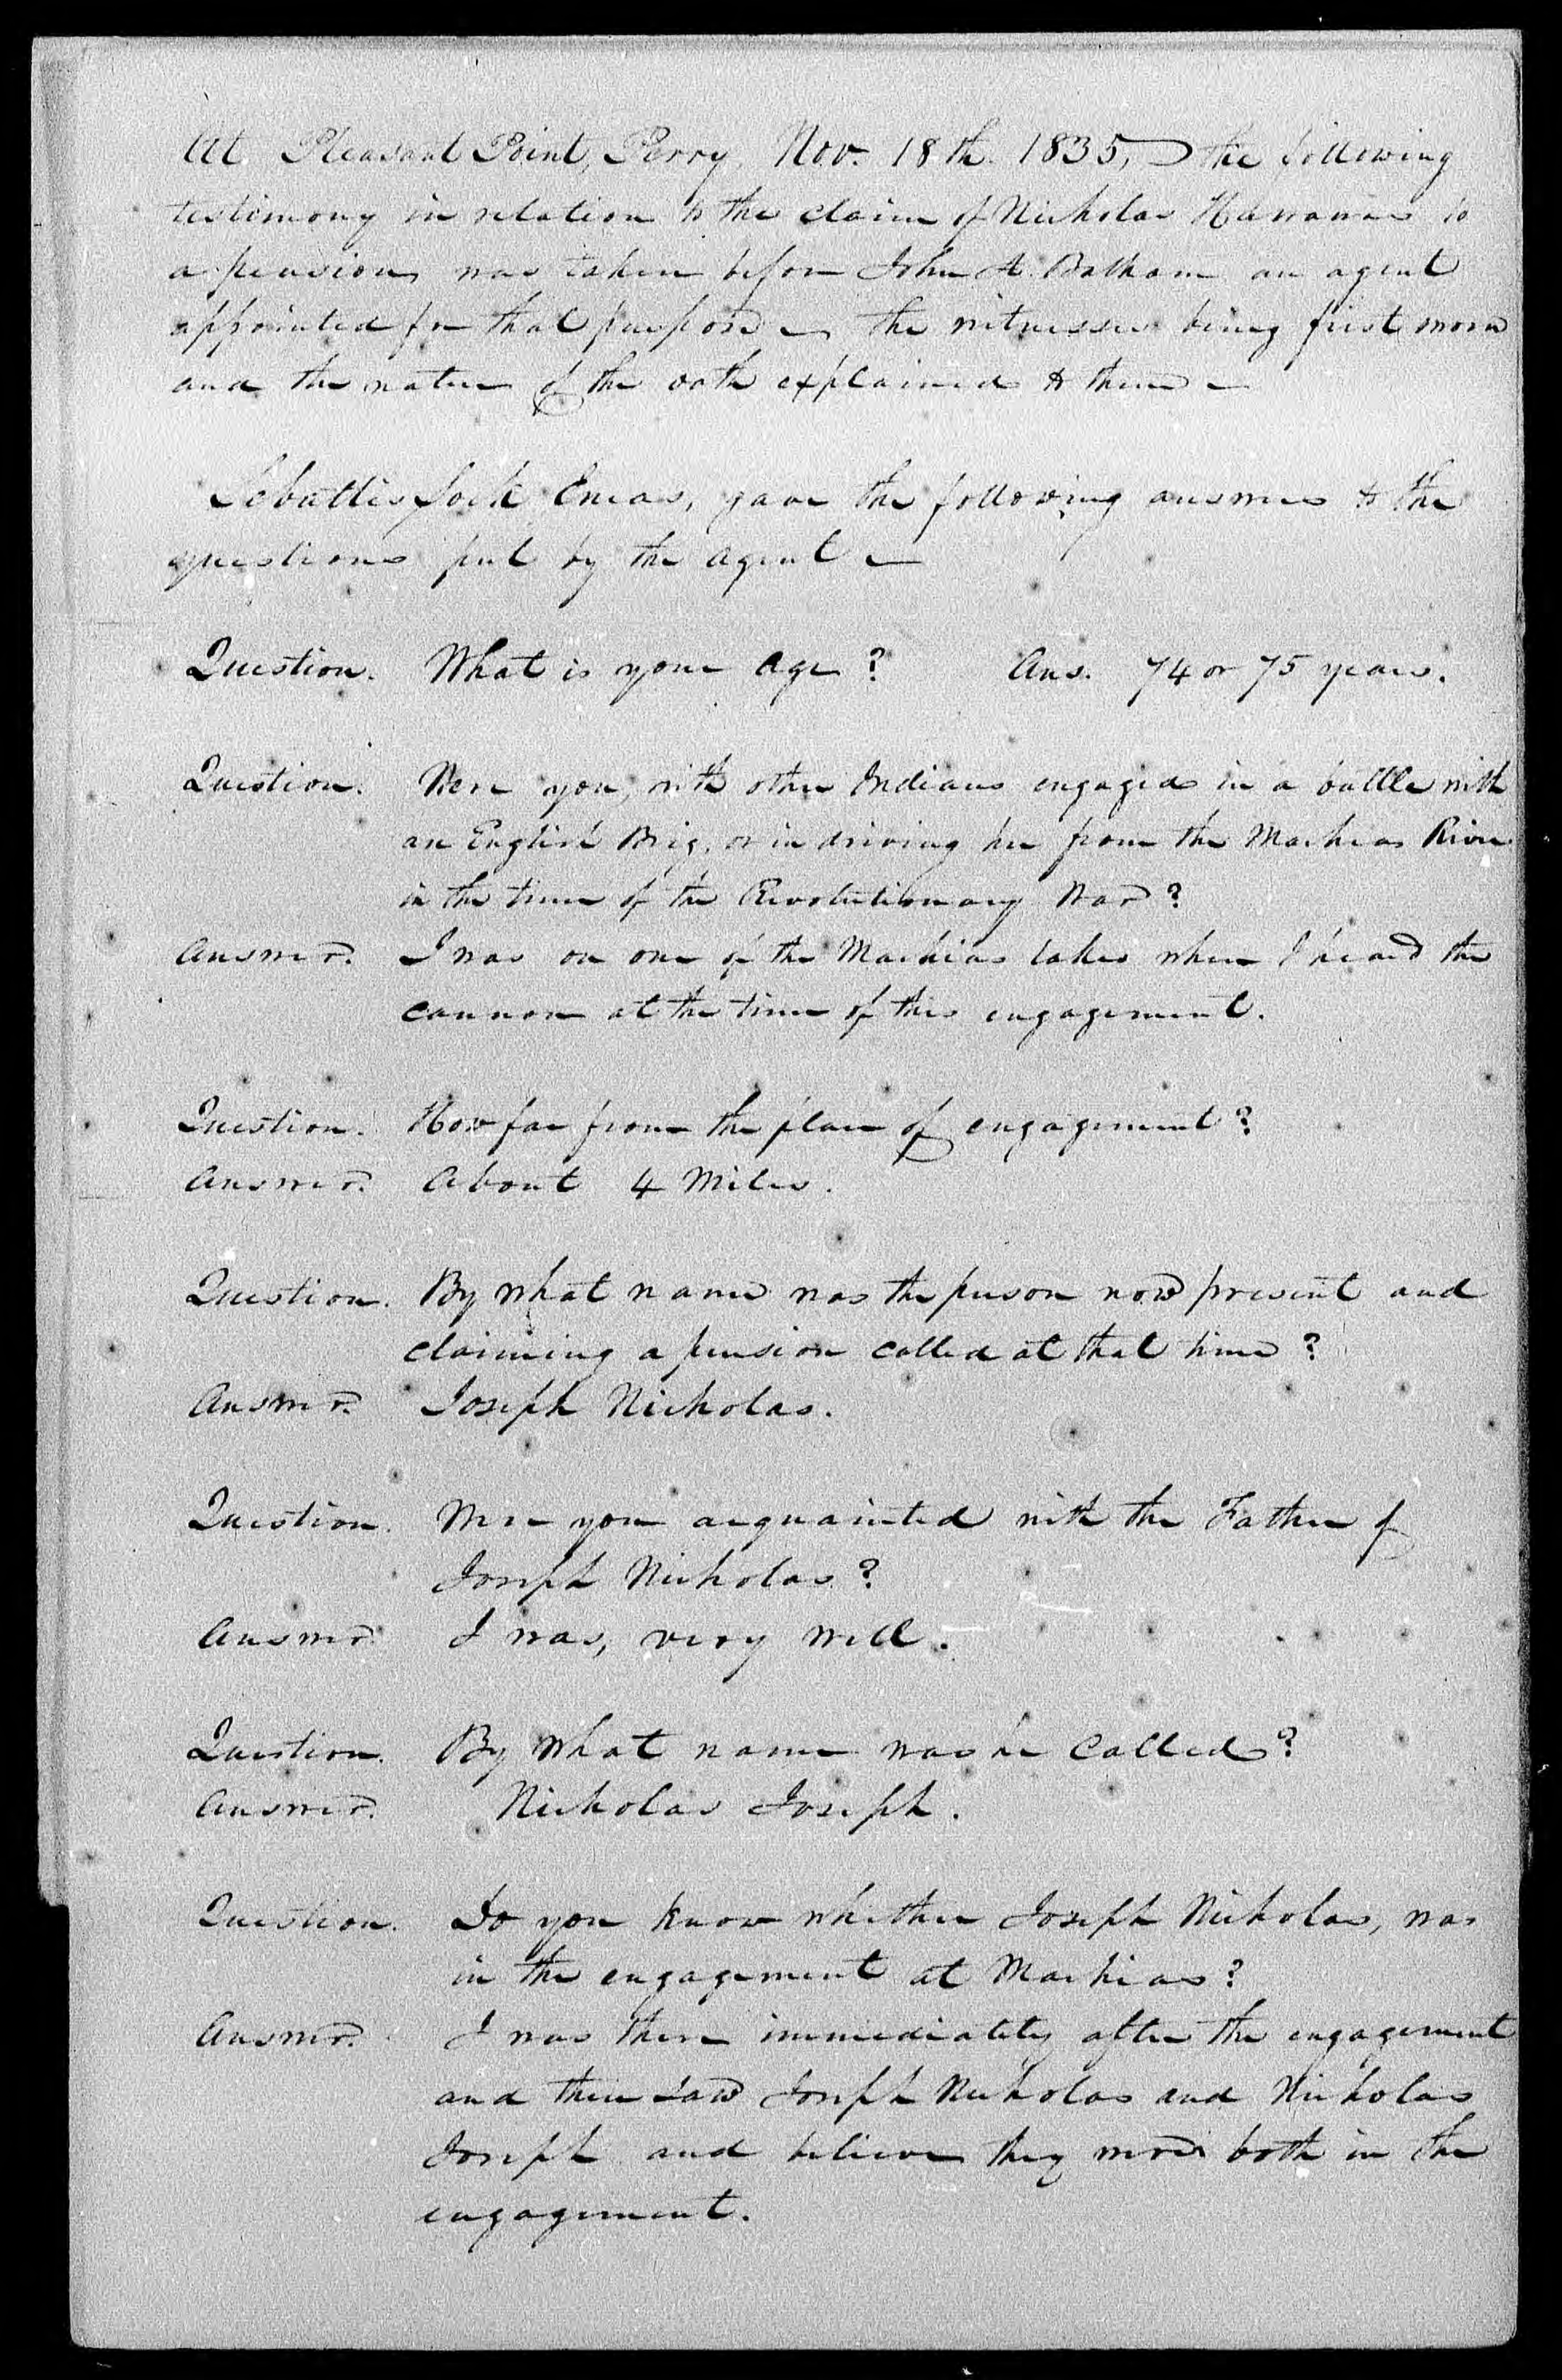At Pleasant Point, Perry, Nov. 18th. 1835, the following testimony in relation to the claim of  Nicholas Hawawaws [to?]
a pension was taken before John A. [Batham?] an agent
appointed for that purpose — the witnesses being first sworn
and the nature of the oath explained to them —

[Sebatlies?] Sock Enias, gave the following answers to the
questions put by the agent —

Question. What is your age? Ans. 74 or 75 years.

Question. Were you with other Indians engaged in a battle with
an English Brig, or in driving her from the Machias River
in the time of the Revolutionary War?
Answer. I was on one of the Machias taken when I heard the
cannon at the time of this engagement.

Question. How far from the place of engagement?
Answer. About 4 miles.
Question. By what name was the person now present and
claiming a pension called at that time?
Answer. Joseph Nicholas.

Question. Were you acquainted with the Father of
Joseph Nicholas?
Answer. I was, very well.

Question. By what name was he called?
Answer. Nicholas Joseph.

Question. Do you know whether Joseph Nicholas, was
in the engagement at Machias?
Answer. I was there immediately after the engagement
and there said Joseph Nicholas and Nicholas
Joseph and believe they were both in the the
engagement.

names: Joseph Nicholas, Joseph Nicholas, Joseph Nicholas, Joseph Nicholas, Nicholas Hawawas, Nicholas Joseph, Nicholas Joseph, John A Balkam, Sebattis Sock Emos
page: 10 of 52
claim: survivor's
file: S 17997, Nicholas Hawwawas, Mass.